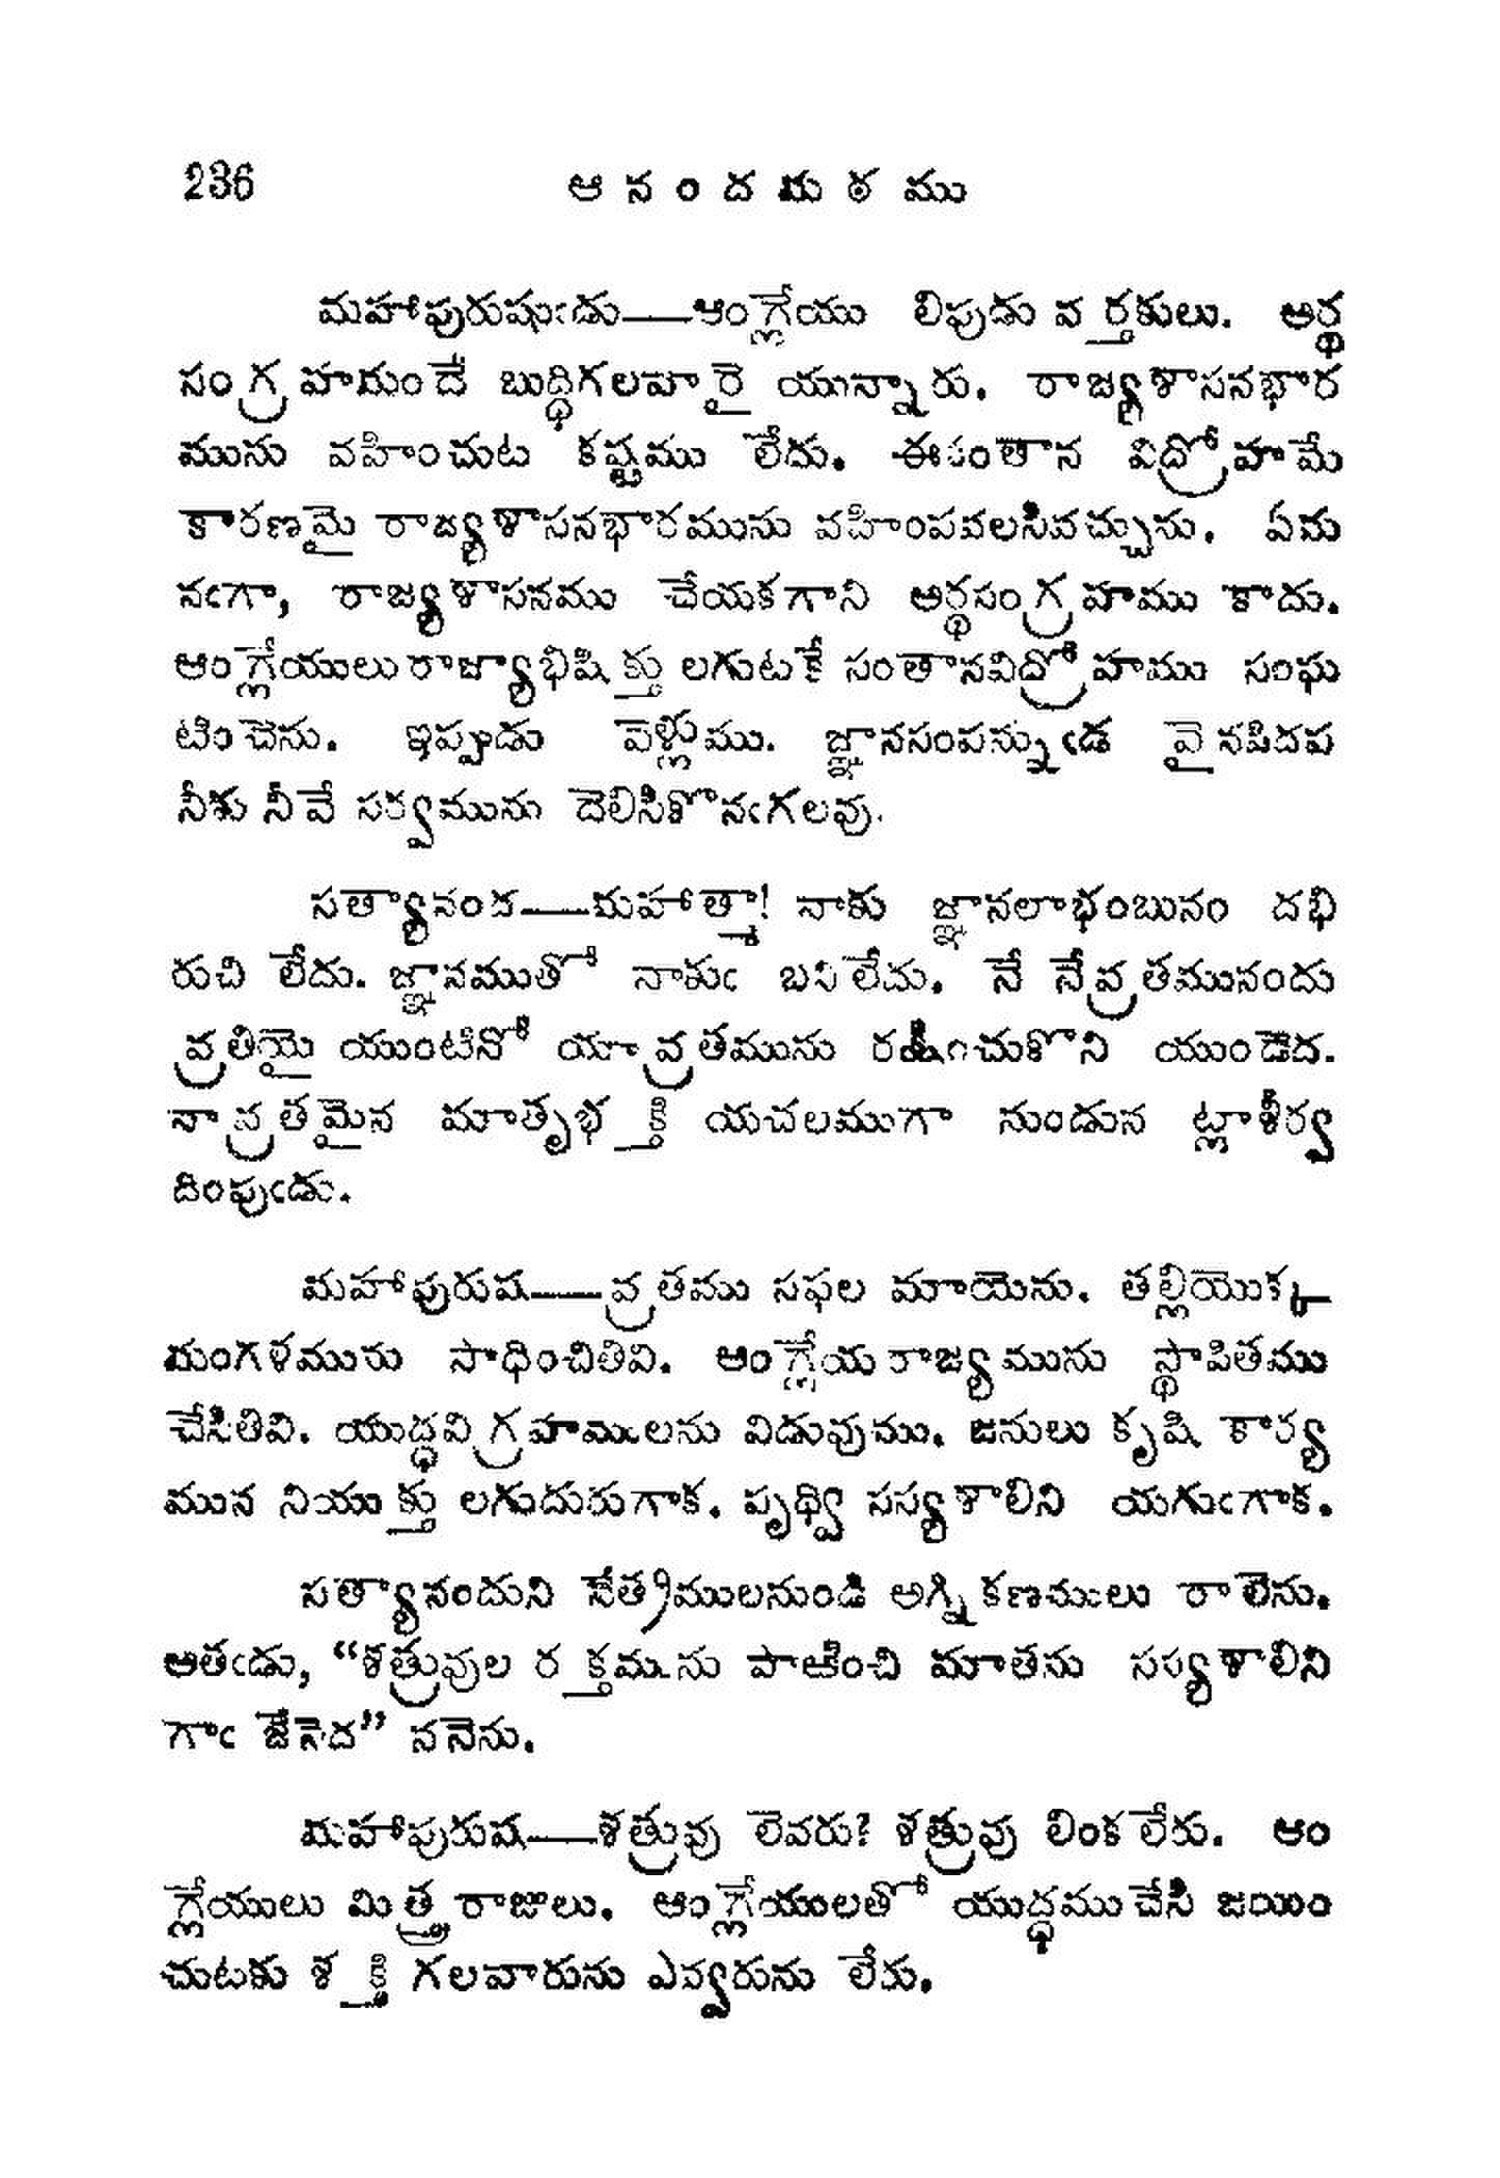మహాపురుషుడు—— ఆంగ్లేయు లిపుడు వర్తకులు. అర్థ సంగ్రహమందే బుద్ధిగలవారై యున్నారు. రాజ్య శాసన భారమును వహించుట కష్టము లేదు. ఈసంతాన విద్రోహమే కారణమై రాజ్య శాసన భారమును వహింపవలసివచ్చును. ఏమనఁగా, రాజ్య శాసనము చేయక గాని అర్థసంగ్రహము కాదు. ఆంగ్లేయులు రాజ్యాభిషిక్తు లగుటకే సంతానవిద్రోహము సంఘటించెను. ఇప్పుడు వెళ్లుము. జ్ఞానసంపన్నుఁడ వైనపిదప నీకు నీవే సర్వమును దెలిసికొనఁగలవు.

సత్యానంద——మహాత్మా! నాకు జ్ఞానలాభంబునం దభిరుచి లేదు. జ్ఞానముతో నాకుఁ బని లేదు. నే నేవ్రతమునందు
వ్రతియై యుంటినో యావ్రతమును రక్షించుకొని యుండెద. నావ్రతమైన మాతృభక్తి యచలముగా నుండున ట్లాశీర్వ
దింపుఁడు.

మహా పురుష——వ్రతము సఫల మాయెను. తల్లి యొక్క మంగళమును సాధించితివి. ఆంగ్లేయ రాజ్యమును స్థాపితము
చేసితివి. యుద్ధవిగ్రహములను విడువుము, జనులు కృషి కార్యమున నియుక్తులగుదురుగాక, పృథ్వి సస్య శాలిని యగుఁగాక,

సత్యానందుని నేత్రములనుండి అగ్ని కణములు రాలెను. అతఁడు, “శత్రువుల రక్తమును పాఱించి మాతను సస్య శాలిని
గాఁ జేసెద" ననెను.

మహాపురుష—— శత్రువు లెవరు? శత్రువు లింక లేరు. ఆంగ్లేయులు మిత్ర రాజులు, ఆంగ్లేయులతో యుద్ధము చేసి
జయించుటకు శక్తి గలవారును ఎవ్వరును 'లేరు.